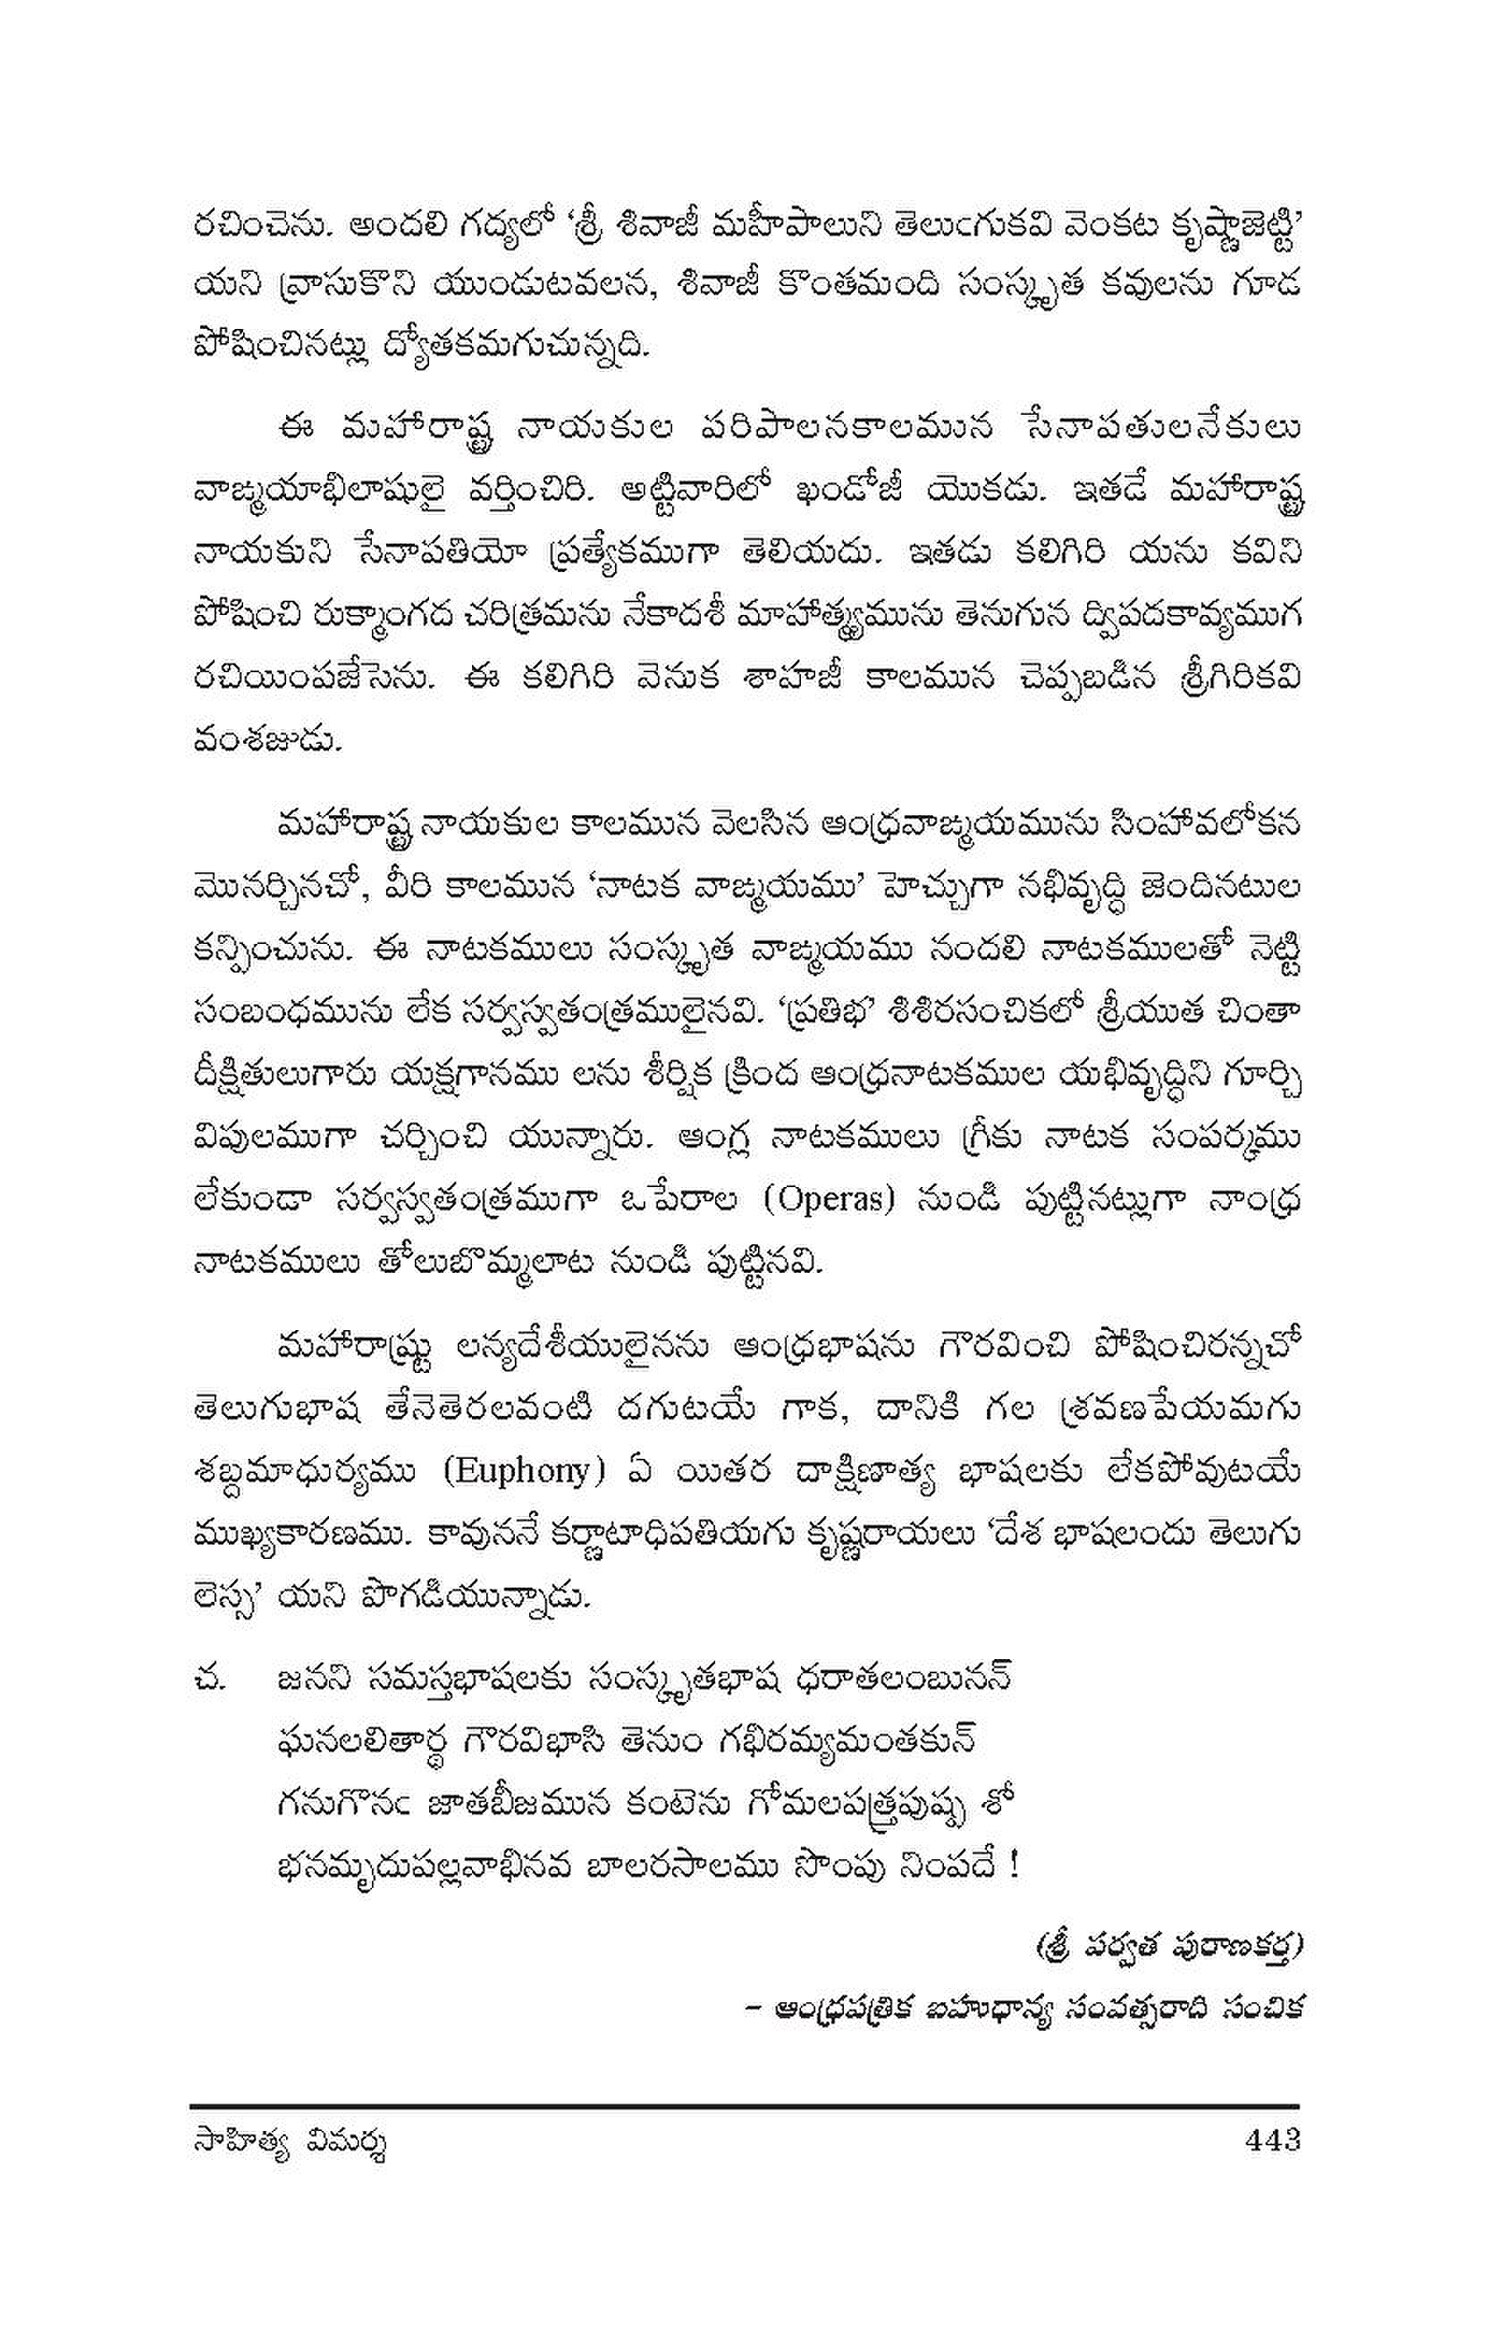రచించెను. అందలి గద్యలో 'శ్రీ శివాజీ మహీపాలుని తెలుఁగుకవి వెంకట కృష్ణాజెట్టి'
యని వ్రాసుకొని యుండుటవలన, శివాజీ కొంతమంది సంస్కృత కవులను గూడ
పోషించినట్లు ద్యోతకమగుచున్నది.

ఈ మహారాష్ట్ర నాయకుల పరిపాలనకాలమున సేనాపతులనేకులు
వాఙ్మయాభిలాషులై వర్తించిరి. అట్టివారిలో ఖండోజీ యొకడు. ఇతడే మహారాష్ట్ర
నాయకుని సేనాపతియో ప్రత్యేకముగా తెలియదు. ఇతడు కలిగిరి యను కవిని
పోషించి రుక్మాంగద చరిత్రమను నేకాదశీ మాహాత్మ్యమును తెనుగున ద్విపదకావ్యముగ
రచియింపజేసెను. ఈ కలిగిరి వెనుక శాహజీ కాలమున చెప్పబడిన శ్రీగిరికవి
వంశజుడు.

మహారాష్ట్ర నాయకుల కాలమున వెలసిన ఆంధ్రవాఙ్మయమును సింహావలోకన
మొనర్చినచో, వీరి కాలమున 'నాటక వాఙ్మయము' హెచ్చుగా నభివృద్ధి జెందినటుల
కన్పించును. ఈ నాటకములు సంస్కృత వాఙ్మయము నందలి నాటకములతో నెట్టి
సంబంధమును లేక సర్వస్వతంత్రములైనవి. 'ప్రతిభ' శిశిరసంచికలో శ్రీయుత చింతా
దీక్షితులుగారు యక్షగానము లను శీర్షిక క్రింద ఆంధ్రనాటకముల యభివృద్ధిని గూర్చి
విపులముగా చర్చించి యున్నారు. ఆంగ్ల నాటకములు గ్రీకు నాటక సంపర్కము
లేకుండా సర్వస్వతంత్రముగా ఒపేరాల (Operas) నుండి పుట్టినట్లుగా నాంధ్ర
నాటకములు తోలుబొమ్మలాట నుండి పుట్టినవి.

మహారాష్ట్రు లన్యదేశీయులైనను ఆంధ్రభాషను గౌరవించి పోషించిరన్నచో
తెలుగుభాష తేనెతెరలవంటి దగుటయే గాక, దానికి గల శ్రవణపేయమగు
శబ్దమాధుర్యము (Euphony) ఏ యితర దాక్షిణాత్య భాషలకు లేకపోవుటయే
ముఖ్యకారణము. కావుననే కర్ణాటాధిపతియగు కృష్ణరాయలు 'దేశ భాషలందు తెలుగు
లెస్స' యని పొగడియున్నాడు.

చ. జనని సమస్తభాషలకు సంస్కృతభాష ధరాతలంబునన్
 ఘనలలితార్థ గౌరవిభాసి తెనుం గభిరమ్యమంతకున్
 గనుగొనఁ జాతబీజమున కంటెను గోమలపత్త్రపుష్ప శో
 భనమృదుపల్లవాభినవ బాలరసాలము సొంపు నింపదే !